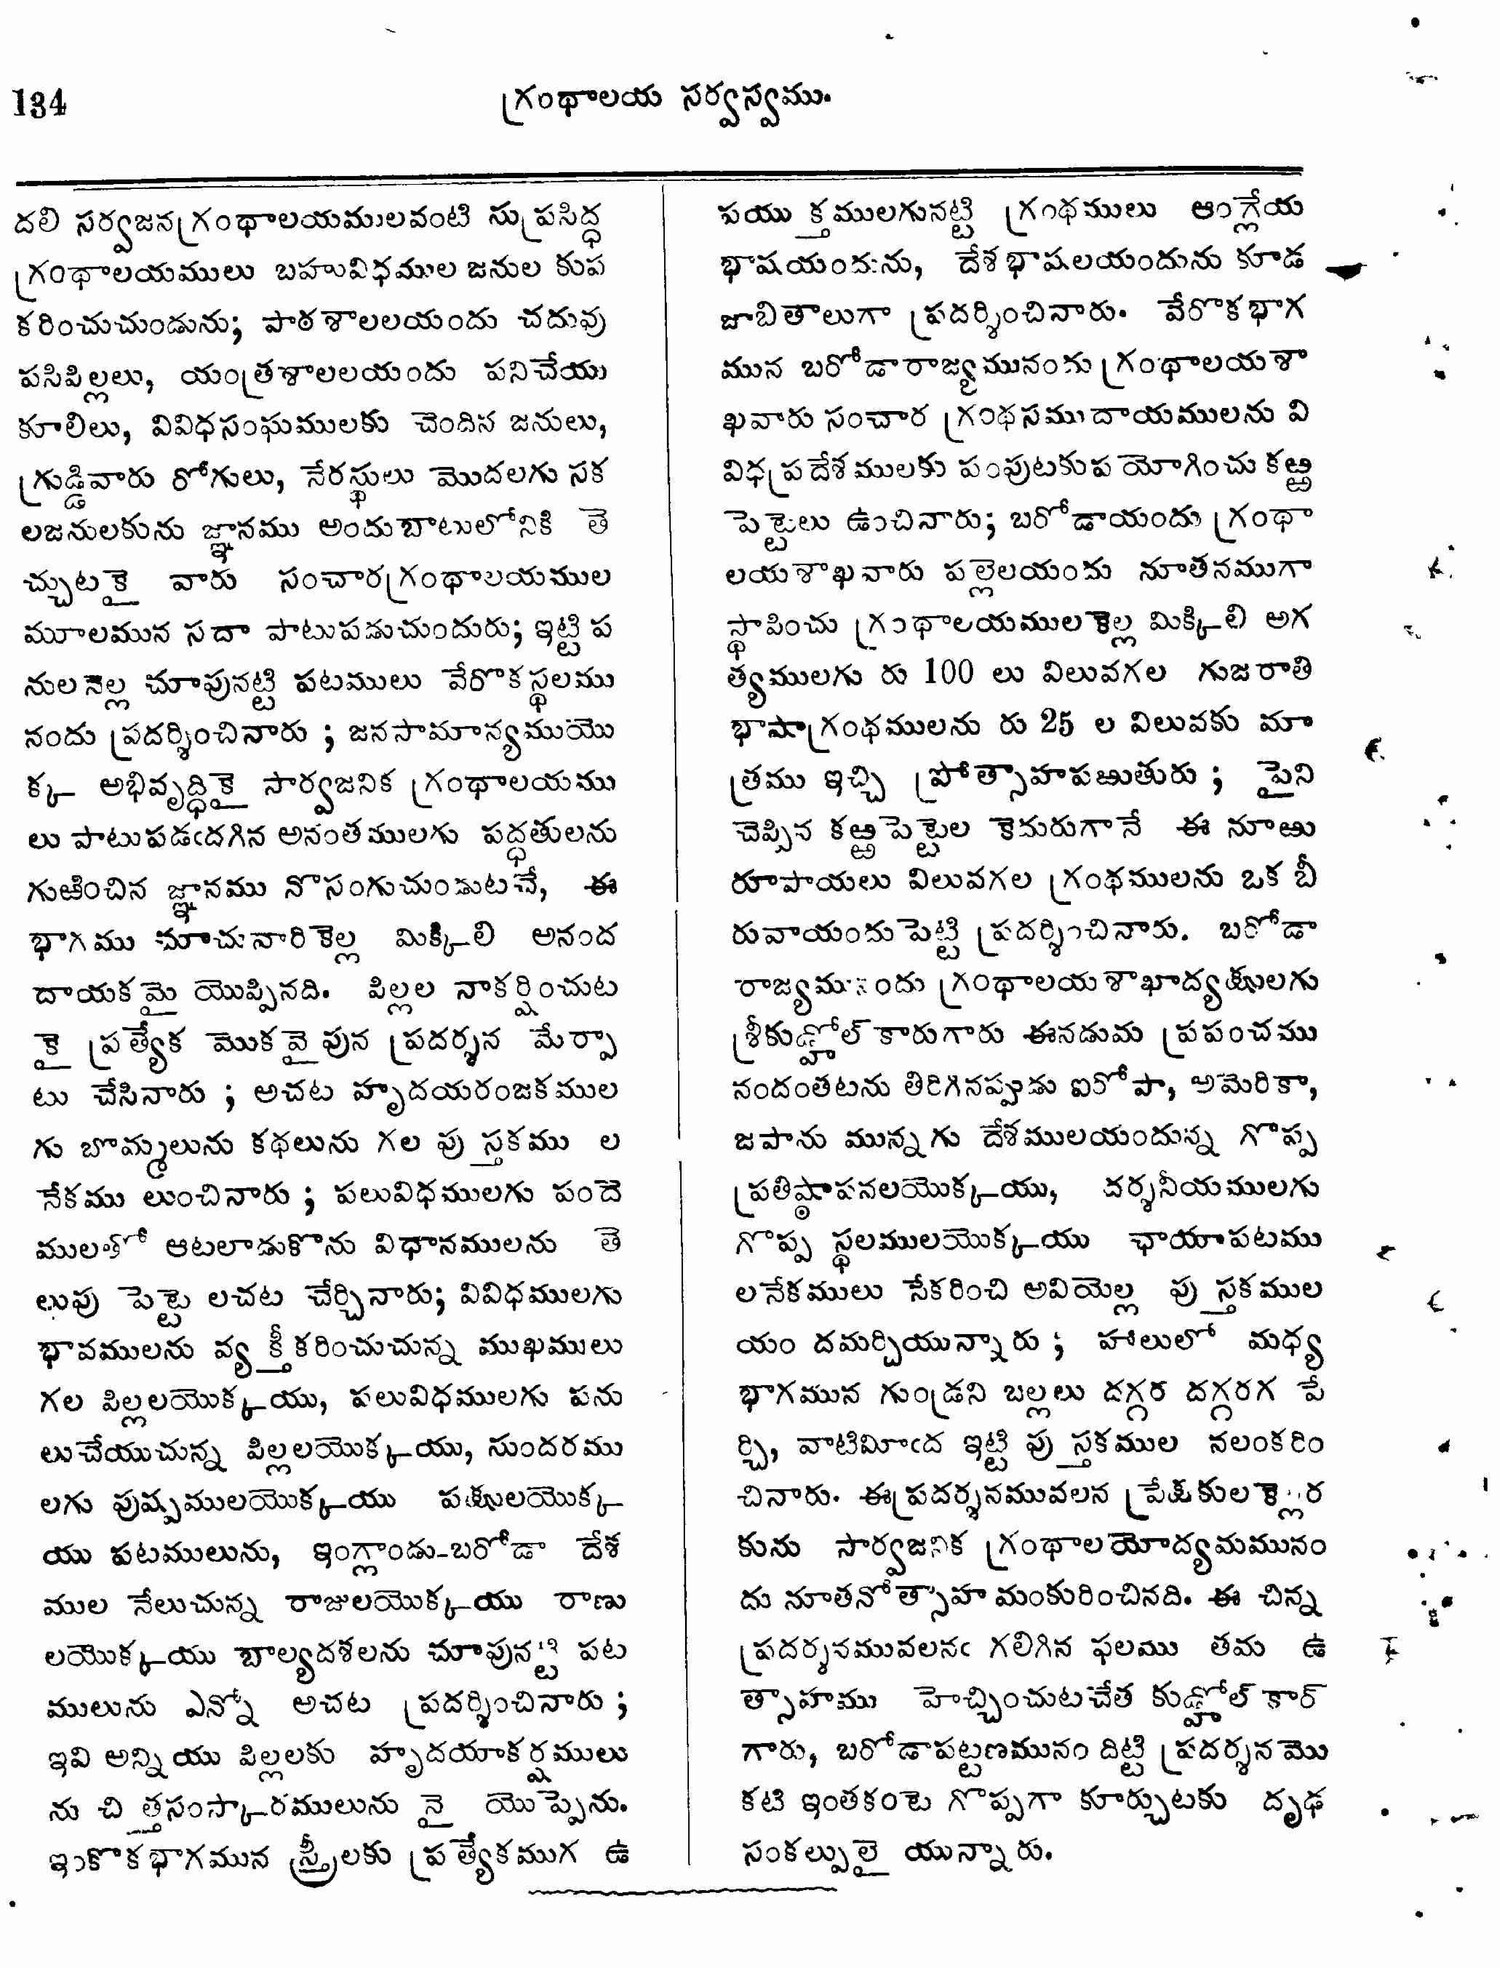దలి సర్వజనగ్రంథాలయములవంటి సుప్రసిద్ధ
గ్రంథాలయములు బహువిధముల జనుల కుప
కరించుచుండును; పాఠశాలలయందు చదువుకునే 
పసిపిల్లలు, యంత్రశాలలయందు పనిచేయు
కూలీలు, వివిధ సంఘములకు చెందిన జనులు,
గ్రుడ్డివారు రోగులు, నేరస్థులు మొదలగు సకలజనులకును జ్ఞానము అందుబాటులోనికి తెచ్చుటకై వారు సంచార గ్రంథాలయముల
మూలమున సదా పాటుపడుచుందురు; ఇట్టి పనులనెల్ల చూపునట్టి పటములు వేరొక స్థలము
నందు ప్రదర్శించినారు; జనసామాన్యముయొక్క అభివృద్ధికై సార్వజనిక గ్రంథాలయములు పాటు పడఁదగిన అనంతములగు పద్ధతులను
గుఱించిన జ్ఞానము నొసంగుచుండుటచే, ఈభాగము చూచువారికెల్ల మిక్కిలి అనంద
దాయకమై యొప్పినది. పిల్లల నాకర్షించుటకై ప్రత్యేక మొక వైపున ప్రదర్శనమేర్పాటు చేసినారు ; అచట హృదయరంజకములగు బొమ్మలును కథలును గల పుస్తకములనేకములుంచినారు; పలువిధములగు పందెములలో ఆటలాడుకొను విధానములను తెలుపు పెట్టెలచట చేర్చినారు; వివిధములగు భావములను వ్యక్తీకరించుచున్న ముఖములు గల పిల్లల యొక్కయు, పలువిధములగు పనులు చేయుచున్న పిల్లలయొక్కయు, సుందరములగు పుష్పముల యొక్కయు పక్షుల యొక్కయు పటములును, ఇంగ్లాండు-బరోడా దేశముల నేలుచున్న రాజులయొక్కయు రాణులయొక్కయు బాల్యదశలను చూపునట్టి పటములును ఎన్నో అచట ప్రదర్శించినారు ;
ఇవి అన్నియు పిల్లలకు హృదయాకర్షములును చిత్తసంస్కారములును నై యొప్పెను.
ఇంకొక భాగమున స్త్రీలకు ప్రత్యేకముగ ఉపయుక్తములగునట్టి గ్రంథములు ఆంగ్లేయ భాషయందును, దేశ భాషలయందును కూడ జాబితాలుగా ప్రదర్శించినారు. వేరొక భాగమున బరోడా రాజ్యమునందు గ్రంథాలయశాఖవారు సంచార గ్రంథసముదాయములను వివిధ ప్రదేశములకు పంపుటకుపయోగించు కఱ్ఱపెట్టెలు ఉంచినారు; బరోడాయందు గ్రంథాలయశాఖవారు పల్లెలయందు నూతనముగా
స్థాపించు గ్రంథాలయముల కెల్ల మిక్కిలి అగత్యములగు రు 100 లు విలువగల గుజరాతి
భాషా గ్రంథములను రు 25 ల విలువకు మాత్రము ఇచ్చి ప్రోత్సాహపఱుతురు ; పైని
చెప్పిన కఱ్ఱపెట్టెల కెదురుగానే ఈ నూఱు
రూపాయలు విలువగల గ్రంథములను ఒక బీరువాయందు పెట్టి ప్రదర్శించినారు. బరోడా
రాజ్యము ఇందు గ్రంథాలయ శాఖాద్య క్షులగు
శ్రీకుడ్జోల్కారుగారు ఈనడుమ ప్రపంచము నందంతటను తిరిగినప్పుడు ఐరోపా, అమెరికా,
జపాను మున్నగు దేశములయందున్న గొప్ప
ప్రతిష్ఠాపనలయొక్కయు, దర్శనీయములగు
గొప్ప స్థలములయొక్కయు ఛాయాపటము
లనేకములు సేకరించి అవియెల్ల పుస్తకముల
యందమర్చియున్నారు; హాలులో మధ్య
భాగమున గుండ్రని బల్లలు దగ్గర దగ్గరగ పేర్చి, వాటిమీఁద ఇట్టి పుస్తకములు నలంకరించినారు. ఈ ప్రదర్శనమువలన ప్రేక్షకుల కెల్లెరకును సార్వజనిక గ్రంథాలయోద్యమమునందు నూతనోత్సాహమంకురించినది. ఈ చిన్న
ప్రదర్శనమువలనఁ గలిగిన ఫలము తమ ఉత్సాహము హెచ్చించుటచేత కుహోల్కార్
గారు, బరోడాపట్టణమునం దిట్టి ప్రదర్శన మొకటి ఇంతకంటే గొప్పగా కూర్చుటకు దృఢ
సంకల్పులై యున్నారు.